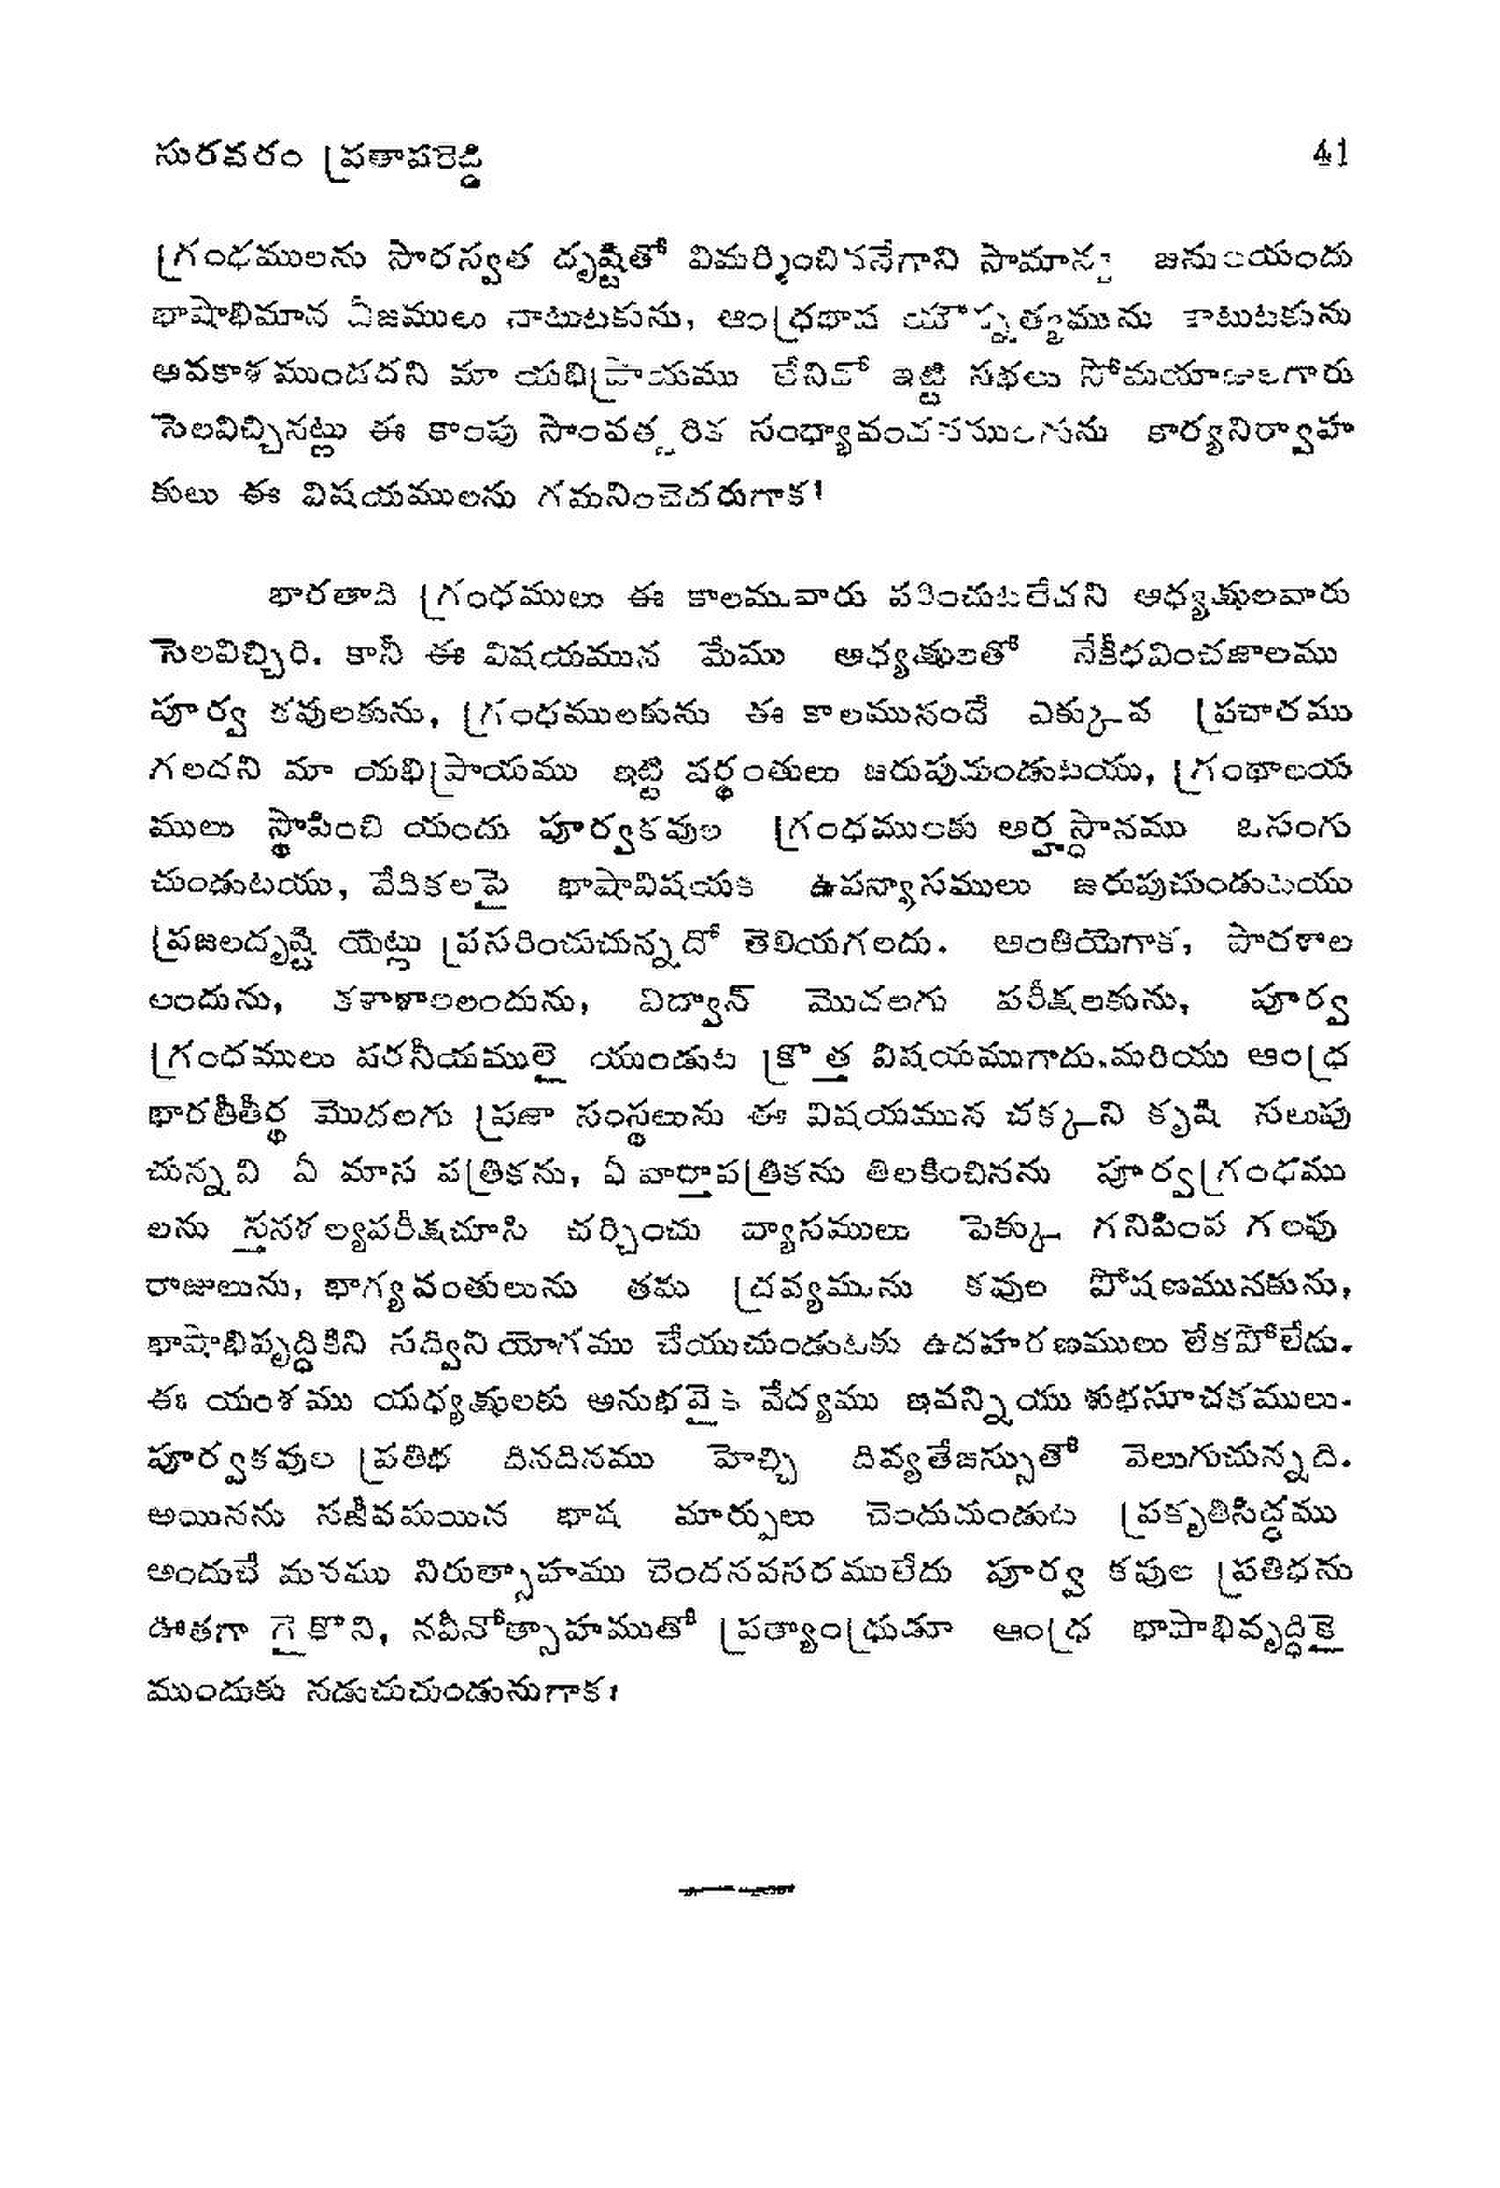గ్రంధములను సారస్వత దృష్టితో విమర్శించిననేగాని సామాన్య జనులయందు భాషాభిమాన బీజములు నాటుటకును, ఆంధ్రభాష యౌన్నత్యమును జాటుటకును అవకాశముండదని మా యభిప్రాయము లేనిచో ఇట్టి సభలు సోమయాజులగారు సెలవిచ్చినట్లు ఈ కాలపు సాంవత్సరిక సంధ్యావందనములగును కార్యనిర్వాహకులు ఈ విషయములను గమనించెదరుగాక!

భారతాది గ్రంధములు ఈ కాలమువారు పఠించుటలేదని అధ్యక్షులవారు సెలవిచ్చిరి. కానీ ఈ విషయమున మేము అధ్యక్షులతో నేకీభవించజాలము పూర్వ కవులకును, గ్రంధములకును ఈ కాలమునందే ఎక్కువ ప్రచారము గలదని మా యభిప్రాయము ఇట్టి వర్థంతులు జరుపుకుండుటయు, గ్రంథాలయములు స్థాపించి యందు పూర్వకవుల గ్రంధములకు అర్హస్థానము ఒసంగు చుండుటయు, వేదికలపై భాషావిషయక ఉపన్యాసములు జరుపుచుండుటయు ప్రజలదృష్టి యెట్లు ప్రసరించుచున్నదో తెలియగలదు. అంతియెగాక, పాఠశాలలందును, కళాశాలలందును, విద్వాన్ మొదలగు పరీక్షలకును, పూర్వగ్రంధములు పఠనీయములై యుండుట క్రొత్త విషయముగాదు.మరియు ఆంధ్ర భారతీతీర్థ మొదలగు ప్రజా సంస్థలును ఈ విషయమున చక్కని కృషి సలుపు
చున్నవి ఏ మాస పత్రికను, ఏ వార్తాపత్రికను తిలకించినను పూర్వగ్రంధములను స్తనశ ల్యపరీక్షచూసి చర్చించు వ్యాసములు పెక్కు గనిపింప గలవు రాజులును, భాగ్యవంతులును తమ ద్రవ్యమును కవుల పోషణమునకును,
భాషాభివృద్ధికిని సద్విని యోగము చేయుచుండుటకు ఉదహరణములు లేకపోలేదు. ఈ యంశము యధ్యక్షులకు అనుభవైక వేద్యము ఇవన్నియు శుభసూచకములు. పూర్వకవుల ప్రతిభ దినదినము హెచ్చి దివ్యతేజస్సుతో వెలుగుచున్నది. అయినను సజీవమయిన భాష మార్పులు చెందుచుండుట ప్రకృతిసిద్ధము అందుచే మనము నిరుత్సాహము చెందనవసరములేదు పూర్వ కవుల ప్రతిభను ఊతగా గైకొని, నవీనోత్సాహముతో ప్రత్యాంధ్రుడూ ఆంధ్ర భాషాభివృద్ధికై ముందుకు నడుచుచుండునుగాక!